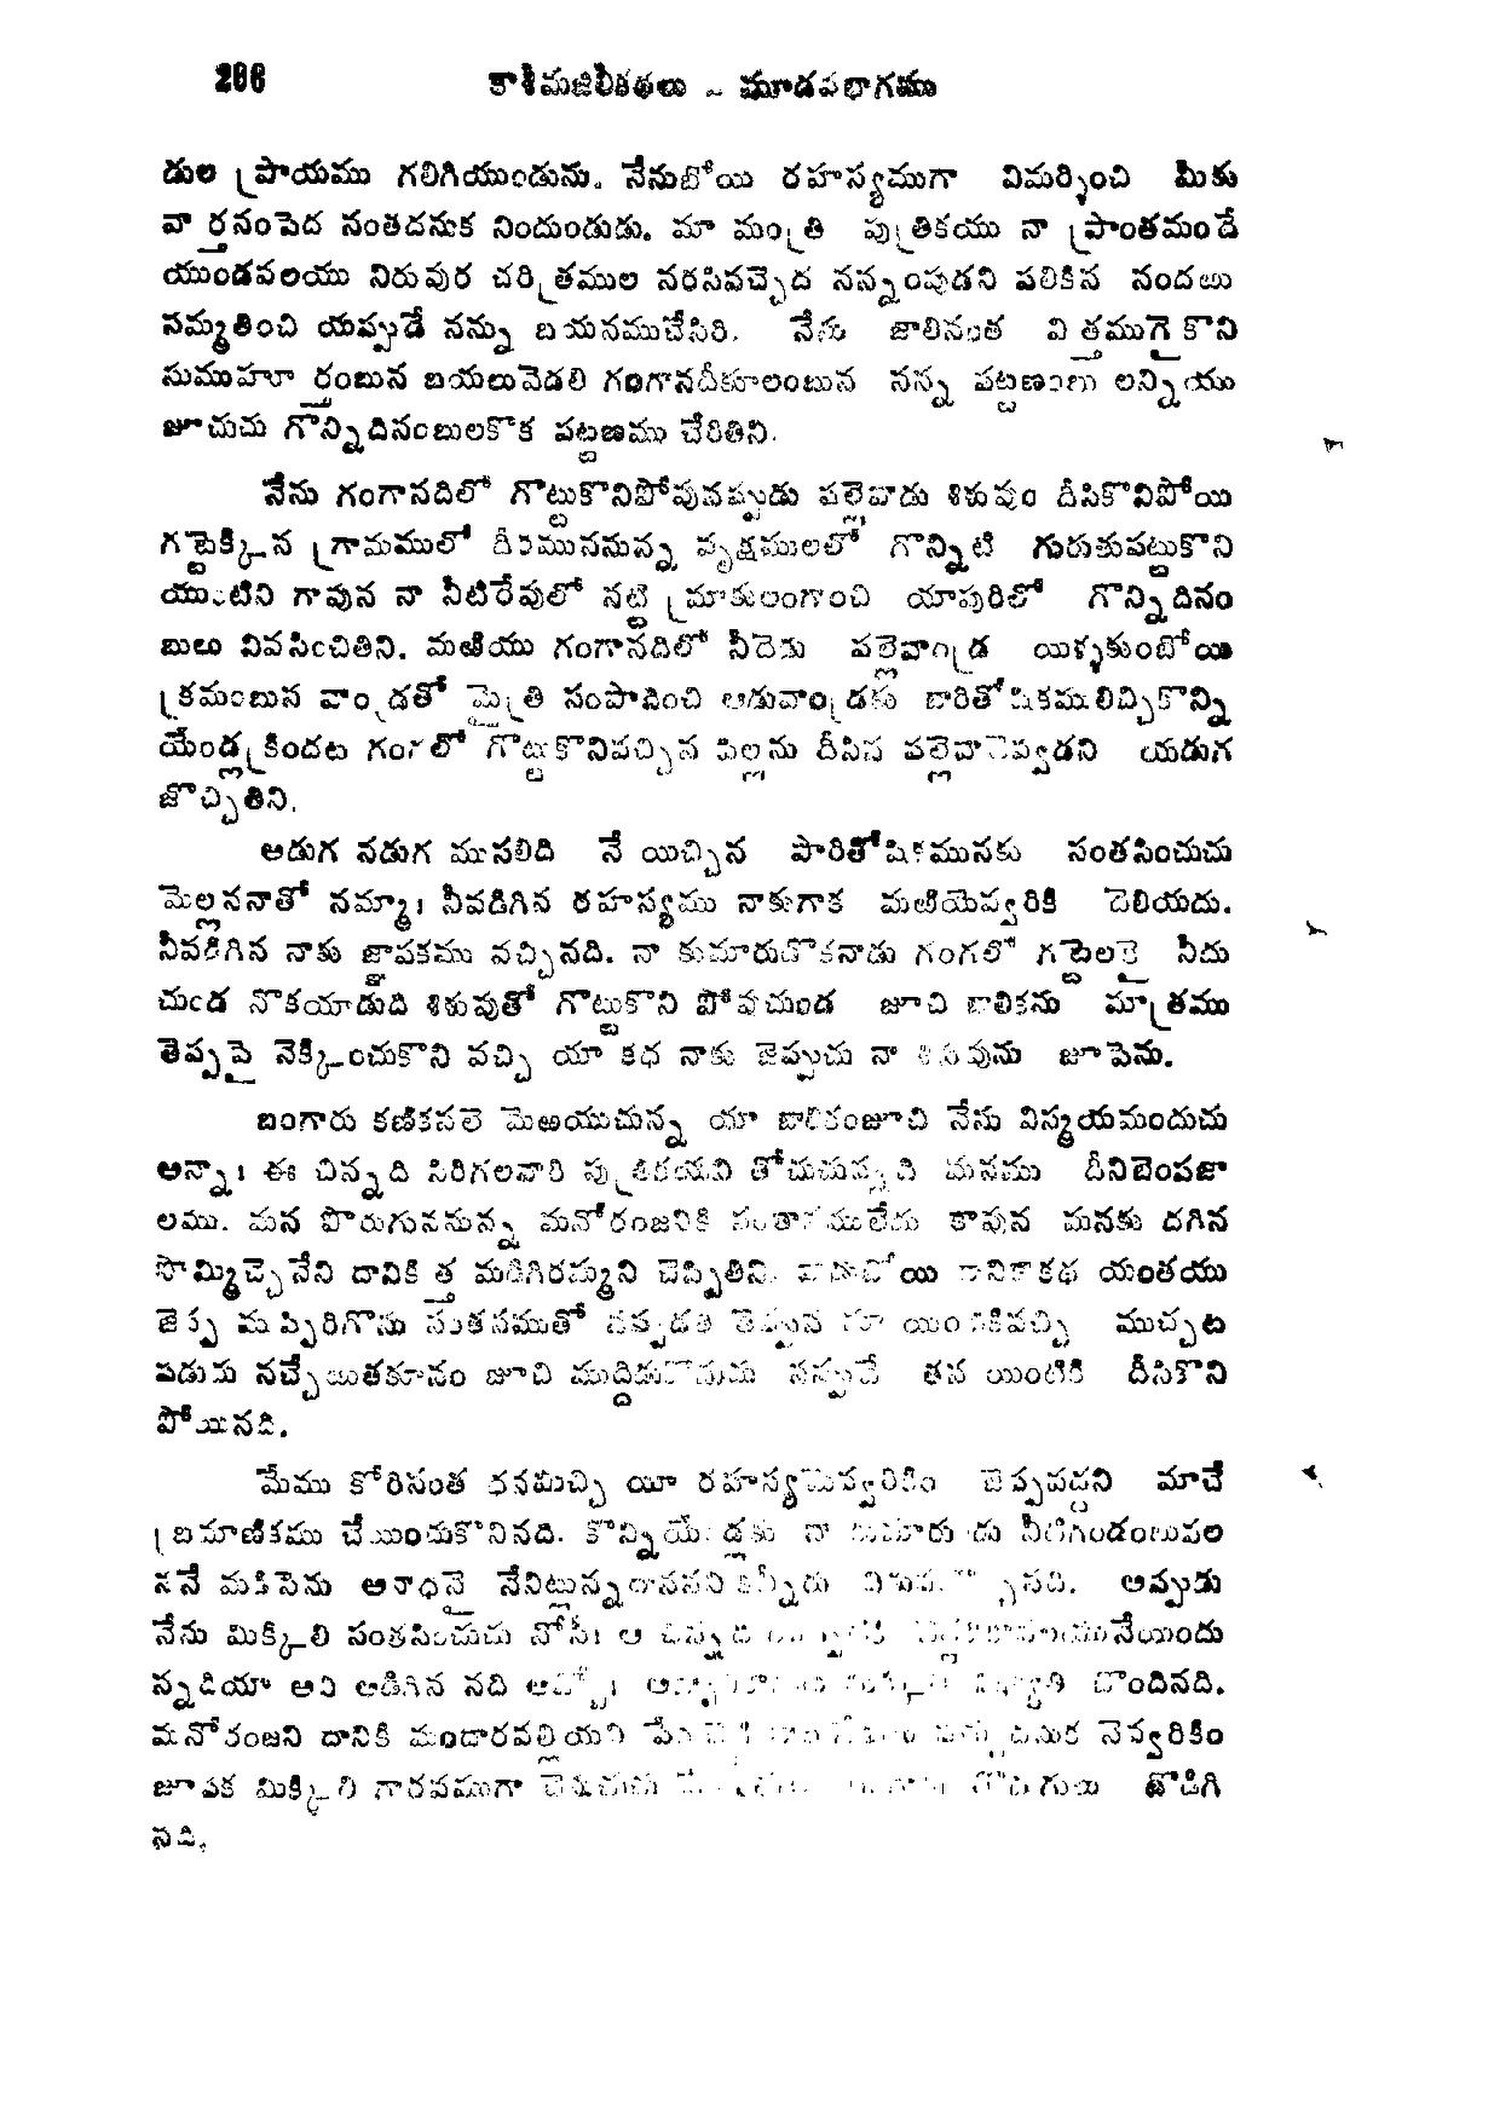డుల ప్రాయము గలిగియుండును. నేనుబోయి రహస్యముగా విమర్శించి మీకు వార్తనంపెద నంతదనుక నిందుండుడు. మా మంత్రిపుత్రికయు నా ప్రాంతమందే యుండవలయు నిరువుర చరిత్రముల నరసివచ్చెద నన్నంపుడని పలికిన నందఱు సమ్మతించి యప్పుడే నన్ను బయనముచేసిరి. నేను జాలినంత విత్తముగై కొని సుముహూర్తంబున బయలువెడలి గంగానదీ కూలంబున నున్న పట్టణంబు లన్నియు జూచుచు గొన్నిదినంబులకొక పట్టణము చేరితిని.

నేను గంగానదిలో గొట్టుకొనిపోవునప్పుడు పల్లెవాడు శిశువుం దీసికొనిపోయి గట్టెక్కిన గ్రామములో దీరముననున్న వృక్షములలో గొన్నిటి గురుతుపట్టుకొని యుంటిని గావున నా నీటిరేవులో నట్టి మ్రాకులంగాంచి యాపురిలో గొన్ని దినంబులు నివసించితిని. మఱియు గంగానదిలో నీదెడు పల్లెవాండ్ర యిళ్ళకుంబోయి క్రమంబున వాండ్రతో మైత్రి సంపాదించి ఆడువాండ్రకు బారితోషికములిచ్చి కొన్ని యేండ్లక్రిందట గంగలో గొట్టుకొనివచ్చిన పిల్లను దీసిన పల్లెవాడెవ్వడని యడుగ జొచ్చితిని.

అడుగ నడుగ ముసలిది నే యిచ్చిన పారితోషికమునకు సంతసించుచు మెల్లననాతో నమ్మా! నీవడిగిన రహస్యము నాకుగాక మఱియెవ్వరికి దెలియదు. నీవడిగిన నాకు జ్ఞాపకము వచ్చినది. నా కుమారుడొకనాడు గంగలో గట్టెలకై నీదుచుండ నొకయాడుది శిశువుతో గొట్టుకొని పోవుచుండ జూచి బాలికను మాత్రము తెప్పపై నెక్కించుకొని వచ్చి యా కథ నాకు జెప్పుచు నా శిశువును జూపెను.

బంగారు కణికవలె మెఱయుచున్న యా బాలికంజూచి నేను విస్మయమందుచు అన్నా! ఈ చిన్నది సిరిగలవారి పుత్రికయని తోచుచున్నది మనము దీనిబెంపజాలము. మన పొరుగుననున్న మనోరంజనికి సంతానములేదు కావున మనకు దగిన సొమ్మిచ్చెనేని దానికిత్త మడిగిరమ్మని చెప్పితిని. వాడుబోయి దానికాకథ యంతయు జెప్ప ముప్పిరిగొను సంతసముతో నప్పడతి తెప్పున మా యింటికివచ్చి ముచ్చట పడుచు నచ్చేఱుతకూనం జూచి ముద్దిడుకొనుచు నప్పుడే తన యింటికి దీసికొని పోయినది.

మేము కోరినంత ధనమిచ్చి యీ రహస్యమెవ్వరికిం జెప్పవద్దని మాచే బ్రమాణికము చేయించుకొనినది. కొన్నియేండ్లకు నా కుమారుడు నీటిగండంబువలననే మడిసెను ఆనాథనై నేనిట్లున్నదాననని కన్నీరు విడువజొచ్చినది. అప్పుడు నేను మిక్కిలి సంతసించుచు నోసీ! ఆ చిన్నది యిప్పటికి బెద్దదికావలయునే యెందున్నదియో అని అడిగిన నది అబ్బో! అబ్బాలికామణి మిక్కిలి విఖ్యాతి బొందినది. మనోరంజని దానికి మందారవల్లియని పేరుబెట్టి చాలయేడులు వచ్చుదనుక నెవ్వరికిం జూపక మిక్కిలి గారవముగా బెనుచుచు మేలిచీరలు బంగారుదొడుగులు దొడిగి